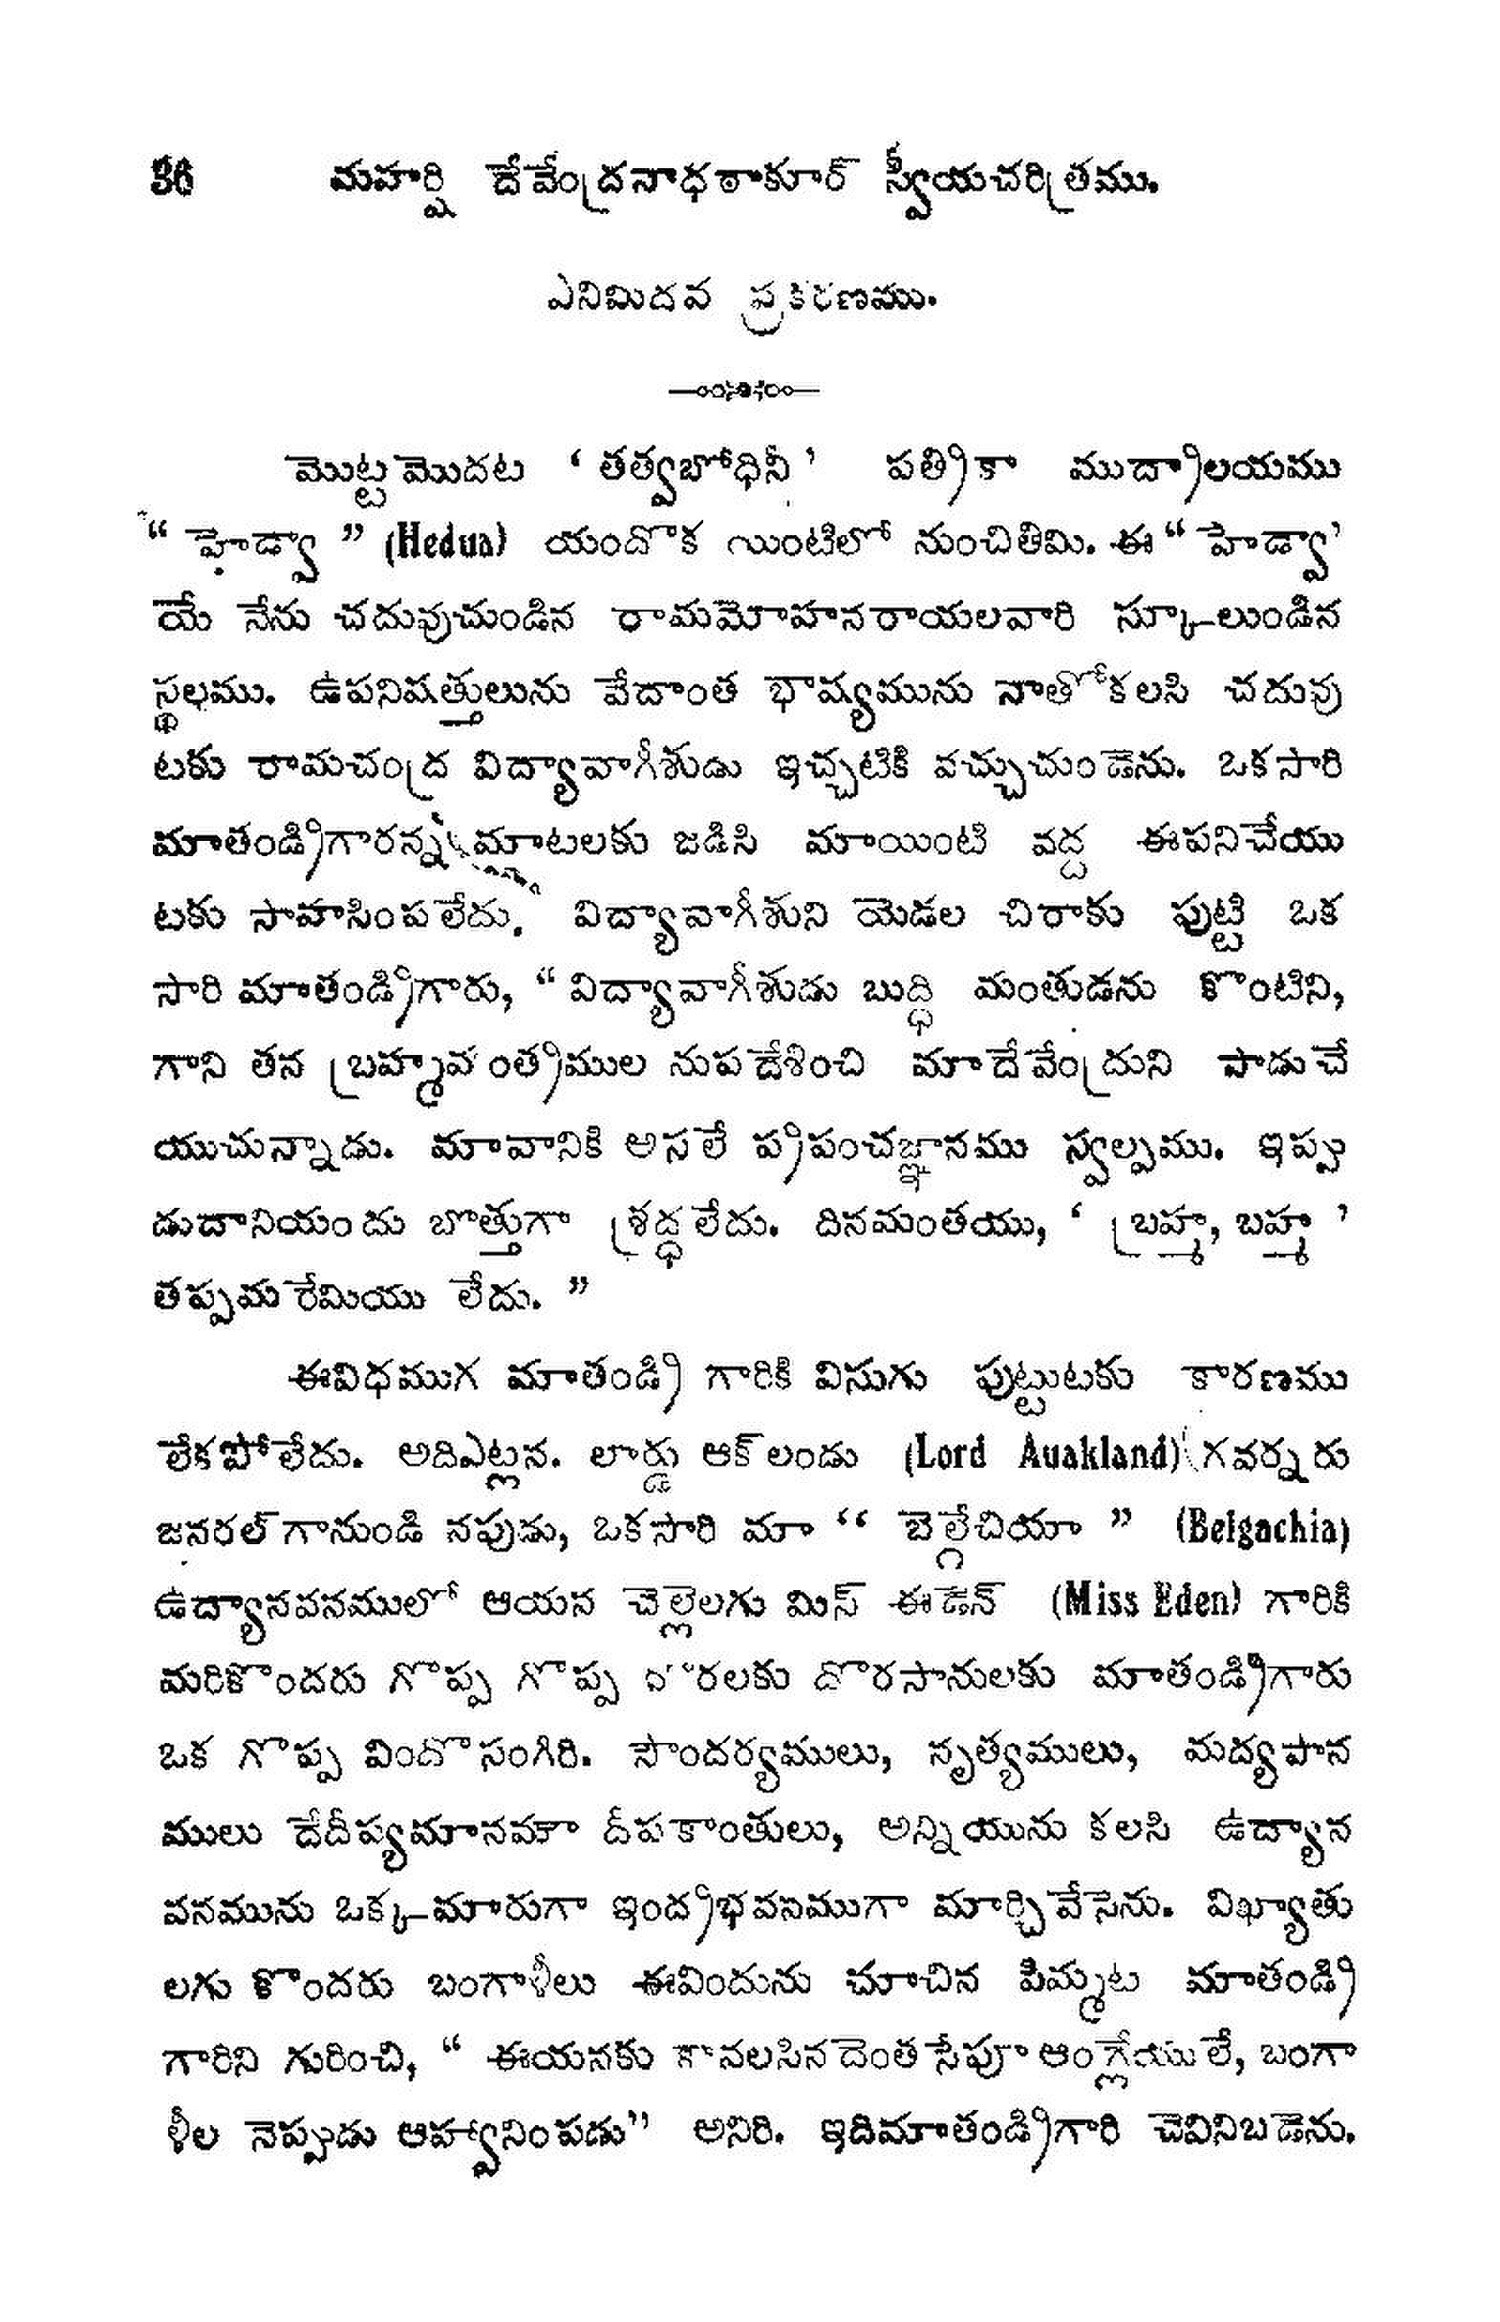మొట్ట మొదట ' తత్వబోధినీ ' పత్రికా ముద్రాలయము "హెడ్వా " (Media) యందొక యింటిలో నుంచితిమి. ఈ “ హెడ్వా'యే నేను చదువుచుండిన రామమోహనరాయల వారీ స్కూలుండిన స్థలము. ఉపనిషత్తులును వేదాంత భాష్యమును నాతోకలసి చదువుటకు రామచంద్ర విద్యా వాగీశుడు ఇచ్చటికి వచ్చుచుండెను. ఒక సారి మాతండ్రి గారన్న మాటలకు జడిసి మాయింటి వద్ద ఈ పనిచేయుటకు సాహసింప లేదు." విద్యా వాగీశుని యెడల చిరాకు పుట్టి ఒకసారి మాతండ్రి గారు, " విద్యా వాగీశుడు బుద్ధి మంతుడను కొంటిని,గాని తన బ్రహ్మమంత్రముల నుపదేశించి మా దేవేంద్రుని పాడు చేయు చున్నాడు. మావానికి అసలే ప్రపంచజ్ఞానము స్వల్పము. ఇప్పుడు దానియందు బొత్తుగా శ్రద్ధ లేదు. దినమంతయు, ' బ్రహ్మ, బ్రహ్మా ' తప్ప మరేమియు లేదు. ”

ఈ విధముగ మాతండ్రి గారికి విసుగు పుట్టుటకు కారణము లేకపోలేదు. అది ఎట్లన. లార్డు ఆక్ లండు (Lord Auakland) గవర్నరుజనరల్ గానుండి నపుడు, ఒక సారి మా బెల్గేరియా (Belgachia) ఉద్యానవనములో ఆయన చెల్లెలగు మిస్ ఈ డెన్ (Miss Eden) గారికి మరికొందరు గొప్ప గొప్ప దొరలకు దొరసానులకు మాతండ్రి గారు
ఒక గొప్ప విందు నొసంగిరి. సౌందర్యములు, నృత్యములు, మద్యపాన
ములు దేదీప్యమానమౌ దీపకాంతులు, అన్నియును కలసి ఉద్యాన
వనమును ఒక్క మారుగా ఇందభవనముగా మార్చివేసెను. విఖ్యాతు
లగు కొందరు బంగాళీలు ఈ విందును చూచిన పిమ్మట మాతండ్రి
గారీని గురించి, ఈయనకు కౌనలసిన దెంత సేపూ ఆంగ్లేయులే, బంగా
ళీల నెప్పుడు ఆహ్వానింపడు” అనిరి. ఇదిమాతండ్రిగారి చెవినిబడెను,